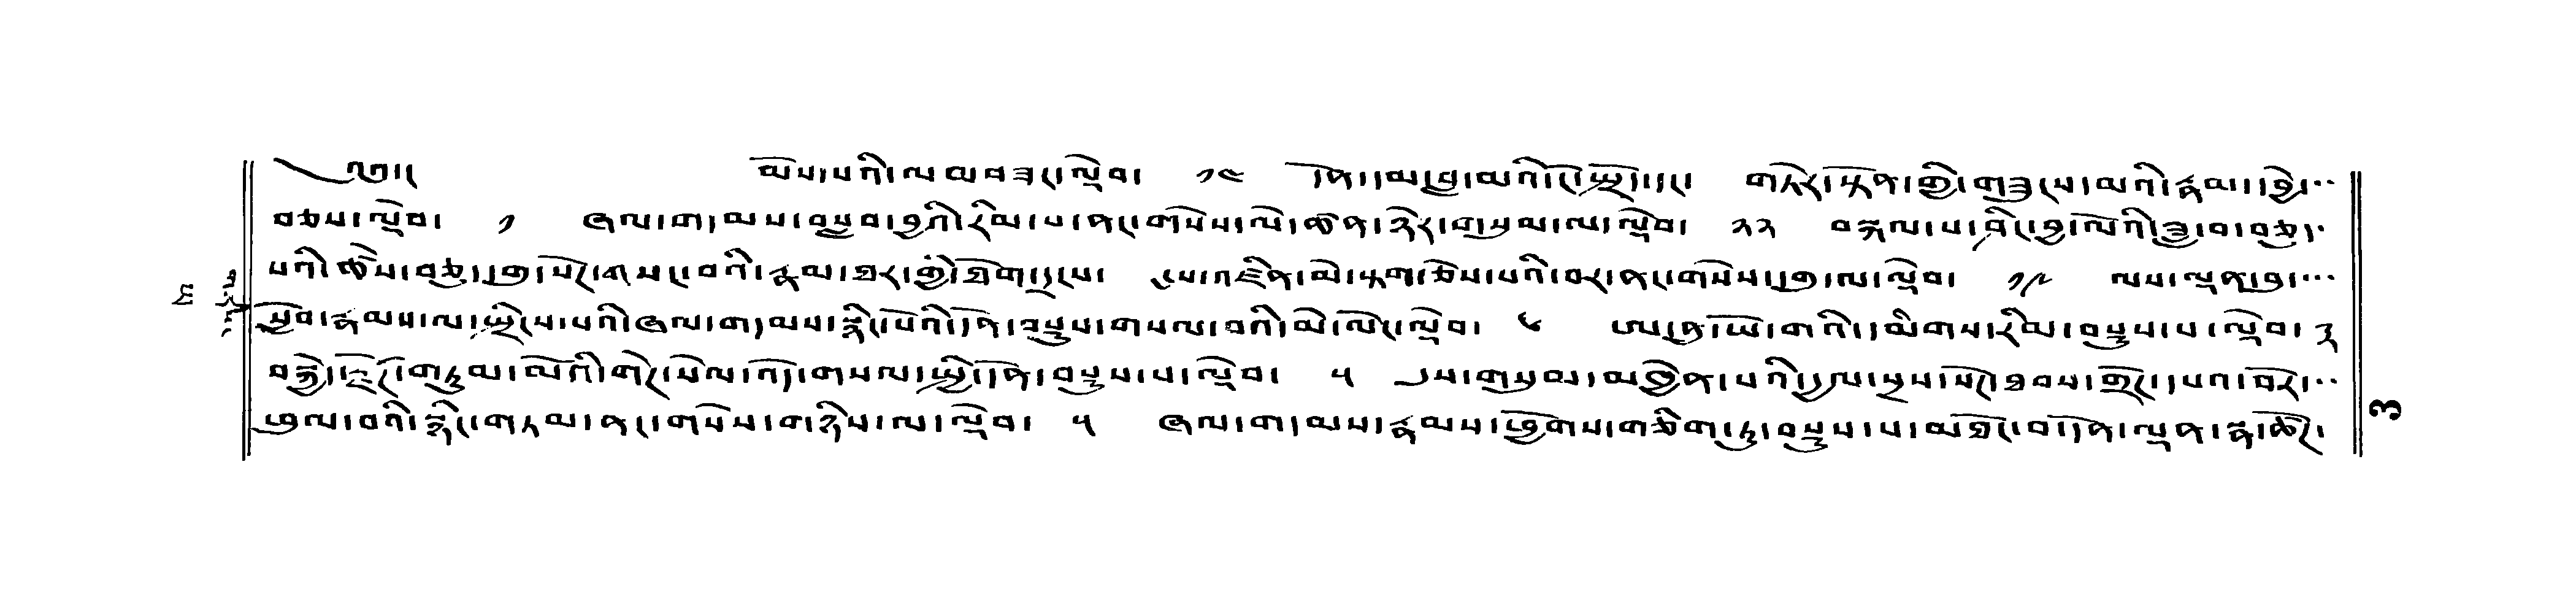མོས་པའི་ལམ་བཟང་ལྡེབ། དོན་དམ་བླ་མའི་ངོ་སྤྲོད་དང་། གཏེར་སྟོན་གྱི་གཟུངས་མའི་རྣམ་དབྱེ་
བཅས་ལྡེབ། ཞལ་གདམས་བསླབ་བྱའི་རིམ་པ་ནང་གསེས་ལེ་ཚན་ཉེར་གསུམ་ལ་ལྡེབ།བསྐལ་པ་ཤིང་བྱ་ལོའི་ཟླ་བ་བཅུ་
པའི་ཚེས་བཅུ་དགུ་སོགས་གསང་བའི་རྣམ་ཐར་གྱི་ཐོག་དྲངས། དུས་འཛིན་མེ་སྟག་ཅེས་པའི་བར་ནང་གསེས་དགུ་ལ་ལྡེབ། ལས་ལྡན་བུ་
སློབ་རྣམས་ལ་སྤྲིངས་པའི་ཞལ་གདམས་སྙིང་པོའི་དོན་བསྡུས་གསལ་བའི་མེ་ལོང་ལྡེབ། ཨ་ནུ་ཡོ་གའི་དམིགས་རིམ་བསྡུས་པ་ལྡེབ། 
བསྐྱེད་རྫོགས་གཏུམ་མོའི་གེགས་སེལ་འོད་གསལ་སྤྱི་དོན་བསྡུས་པ་ལྡེབ། དུས་གསུམ་མཁྱེན་པའི་རྒྱལ་སྲས་སོགས་ཐབས་གྲོགས་དཔའ་བོར་
ཕུལ་བའི་སྙིང་གཏམ་ནང་གསེས་གཉིས་ལ་ལྡེབ། ཞལ་གདམས་རྣམས་ཕྱོགས་གཅིག་ཏུ་བསྡུས་པ་མཐོང་བ་དོན་ལྡན་སྣ་ཚོགས་